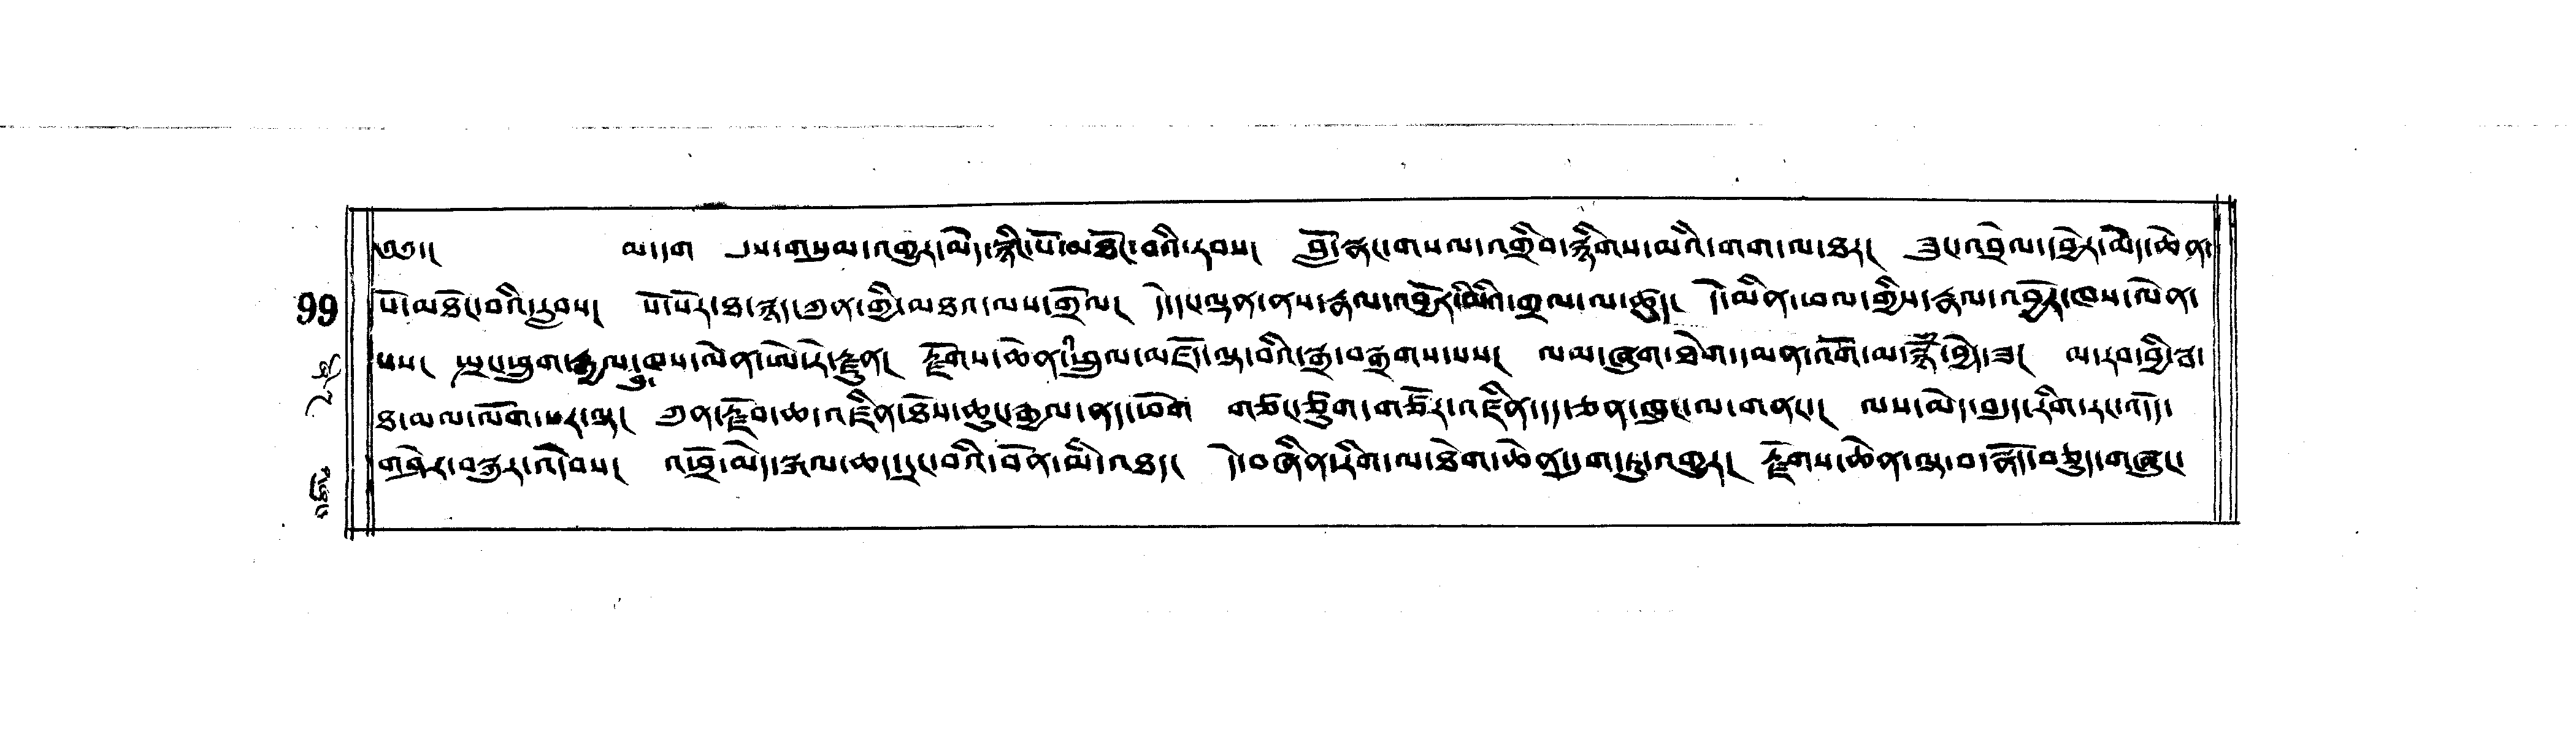མ་དག དུས་གསུམ་འགྱུར་མེད་སྙིང་པོ་མཐོང་བའི་རླབས། སོ་སོར་ཐ་སྙད་ཀུན་གྱི་མཐའ་ལས་གྲོལ། དེ་དང་ལྡན་ནས་རྣལ་འབྱོར་མིའི་གྲལ་ལ་ཚུད། དེ་མིན་ཕལ་གྱིས་རྣལ་འབྱོར་ཁས་ལེན་
པས། སྤྲང་ཕྲུག་རྒྱལ་བུ་ཁས་ལེན་ཨེ་རེ་རྫུན། རྫོགས་ཆེན་འཕྲུལ་མཛོད་ལྟ་བའི་སྒྲ་བསྒྲགས་པས། ལམ་ཞུགས་ཐེག་དམན་འོག་མ་སྙོམས་བྱེད་ཟ། མ་རབས་བྱི་སྦ་
ཐ་མལ་ལོག་པར་ལྟ། ཀུན་རྫོབ་ཆ་འཛིན་ཐོས་ཆུང་རྒྱལ་ནད་ཕོག གཙང་གཙུག་གཙོར་འཛིན་དད་ཅན་ཁུང་ལ་གནང་། ལས་མེད་བདུད་རིགས་རང་འདོད་
གཤེ་སྐུར་འདེབས། འཕྲོ་མེད་སྐལ་ཆད་དྲང་བའི་བོན་མི་འཐད། དེ་བཞིན་རིགས་ལ་ཐེག་ཆེན་དུག་ཏུ་འགྱུར། རྫོགས་ཆེན་ལྟ་བ་སྣོད་བཅུད་གཞུང་